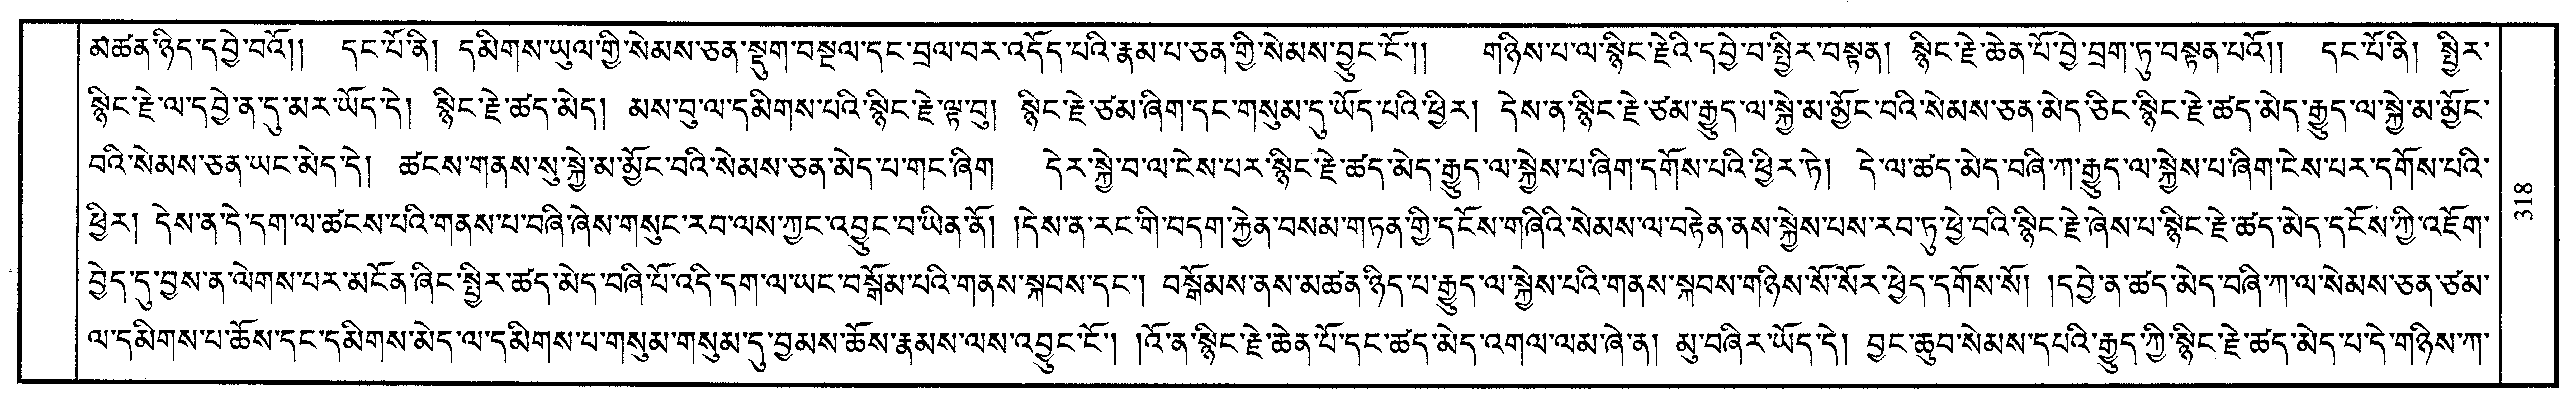མཚན་ཉིད་དབྱེ་བའོ།། དང་པོ་ནི། དམིགས་ཡུལ་གྱི་སེམས་ཅན་སྡུག་བསྔལ་དང་བྲལ་བར་འདོད་པའི་རྣམ་པ་ཅན་གྱི་སེམས་བྱུང་ངོ།། གཉིས་པ་ལ་སྙིང་རྗེའི་དབྱེ་བ་སྤྱིར་བསྟན། སྙིང་རྗེ་ཆེན་པོ་བྱེ་བྲག་ཏུ་བསྟན་པའོ།། དང་པོ་ནི། སྤྱིར་
སྙིང་རྗེ་ལ་དབྱེ་ན་དུ་མར་ཡོད་དེ། སྙིང་རྗེ་ཚད་མེད། མས་བུ་ལ་དམིགས་པའི་སྙིང་རྗེ་ལྟ་བུ། སྙིང་རྗེ་ཙམ་ཞིག་དང་གསུམ་དུ་ཡོད་པའི་ཕྱིར། དེས་ན་སྙིང་རྗེ་ཙམ་རྒྱུད་ལ་སྐྱེ་མ་མྱོང་བའི་སེམས་ཅན་མེད་ཅིང་སྙིང་རྗེ་ཚད་མེད་རྒྱུད་ལ་སྐྱེ་མ་མྱོང་
བའི་སེམས་ཅན་ཡང་མེད་དེ། ཚངས་གནས་སུ་སྐྱེ་མ་མྱོང་བའི་སེམས་ཅན་མེད་པ་གང་ཞིག་དེར་སྐྱེ་བ་ལ་ངེས་པར་སྙིང་རྗེ་ཚད་མེད་རྒྱུད་ལ་སྐྱེས་པ་ཞིག་དགོས་པའི་ཕྱིར་ཏེ། དེ་ལ་ཚད་མེད་བཞི་ཀ་རྒྱུད་ལ་སྐྱེས་པ་ཞིག་ངེས་པར་དགོས་པའི་
ཕྱིར། དེས་ན་དེ་དག་ལ་ཚངས་པའི་གནས་པ་བཞི་ཞེས་གསུངས་རབ་ལས་ཀྱང་འབྱུང་བ་ཡིན་ནོ། །དེས་ན་རང་གི་བདག་རྐྱེན་བསམ་གཏན་གྱི་དངོས་གཞིའི་སེམས་ལ་བརྟེན་ནས་སྐྱེས་པས་རབ་ཏུ་ཕྱེ་བའི་སྙིང་རྗེ་ཞེས་པ་སྙིང་རྗེ་ཚད་མེད་དངོས་ཀྱི་འཇོག་
བྱེད་དུ་བྱས་ན་ལེགས་པར་མངོན་ཞིང་སྤྱིར་ཚད་མེད་བཞི་པོ་འདི་དག་ལ་ཡང་བསྒོམ་པའི་གནས་སྐབས་དང་། བསྒོམས་ནས་མཚན་ཉིད་པ་རྒྱུད་ལ་སྐྱེས་པའི་གནས་སྐབས་གཉིས་སོ་སོར་ཕྱེད་དགོས་སོ། །དབྱེ་ན་ཚད་མེད་བཞི་ཀ་ལ་སེམས་ཅན་ཙམ་
ལ་དམིགས་པ་ཆོས་དང་དམིགས་མེད་ལ་དམིགས་པ་གསུམ་གསུམ་དུ་བྱམས་ཆོས་རྣམས་ལས་འབྱུང་ངོ། །འོ་ན་སྙིང་རྗེ་ཆེན་པོ་དང་ཚད་མེད་འགལ་ལམ་ཞེ་ན། མུ་བཞིར་ཡོད་དེ། བྱང་ཆུབ་སེམས་དཔའི་རྒྱུད་ཀྱི་སྙིང་རྗེ་ཚད་མེད་པ་དེ་གཉིས་ཀ་